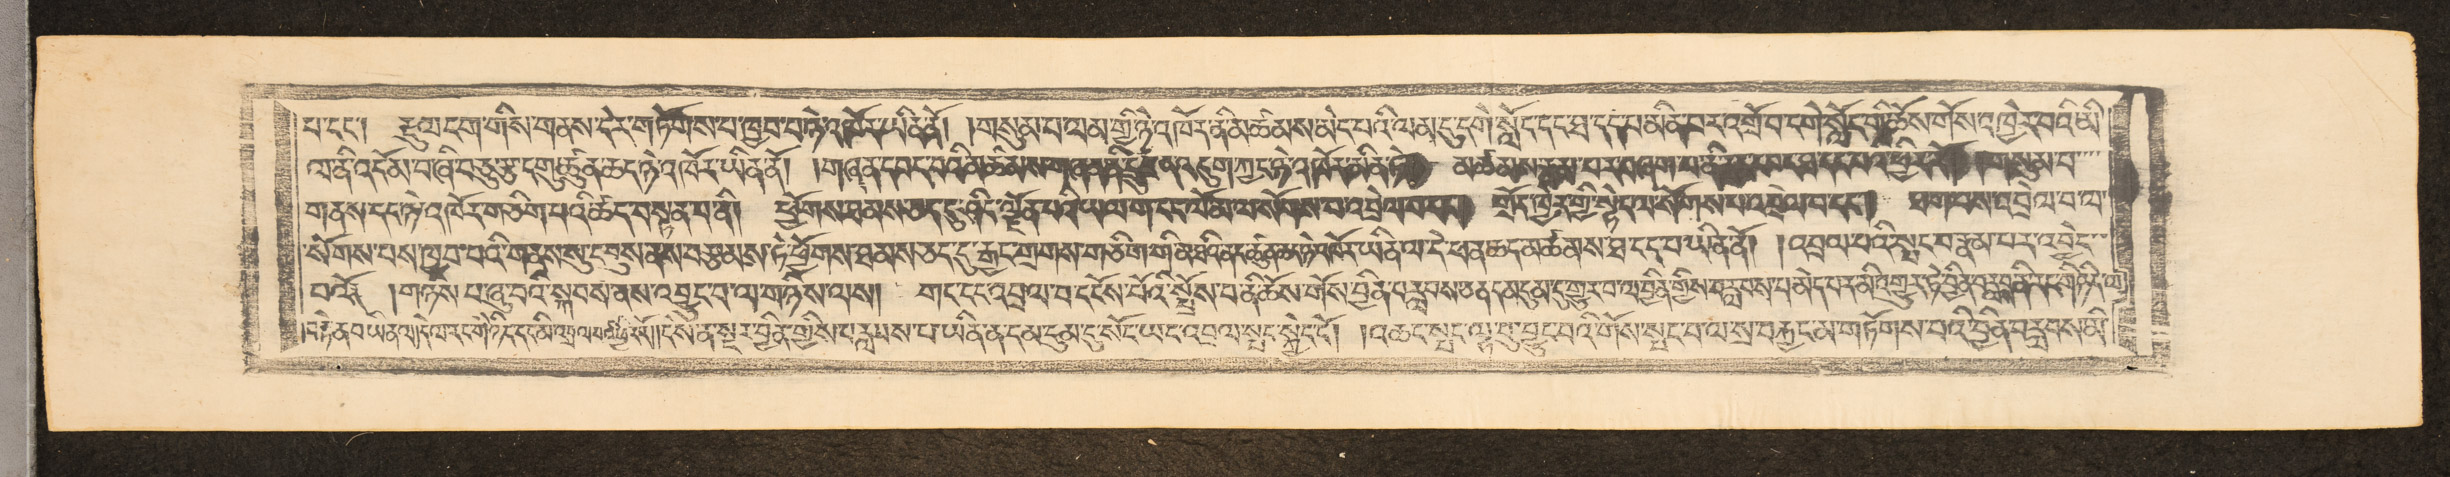པ་དང་། རྡུལ་དག་གིས་གནས་དེར་གཏོགས་པ་ཁྱབ་པ་ཉེ་འཁོར་ཡིན་ནོ། །གསུམ་པ་ལམ་གྱི་ཏེ་འཁོར་ནི་མཚམས་མེད་པའི་ལམ་དུ་དགེ་སློང་དང་ཐ་དད་པ་མིན་པར་འགྲོ་བ་དགེ་སློང་གི་ཆོས་གོས་འཁྱེར་བའི་མི་
ལ་ནི་འདོམ་བཞི་བཅུ་རྩ་དགུ་ཚུན་ཆད་ཉེ་འཁོར་ཡིན་ནོ། །གཞན་དབང་བའི་མཚམས་གཞན་ནི་དྲུང་ན་འདུག་ཀྱང་ཉེ་འཁོར་མིན་ཏེ། མཚམས་རྣམ་པར་བཞག་པ་ནི་རང་དབང་ཐ་དད་པའི་ཕྱིར་རོ། །གསུམ་པ་
གནས་དང་ཉེ་འཁོར་གཅིག་པའི་ཚད་བསྟན་པ་ནི། ཕྱོགས་ཐམས་ཅད་དུ་ཤིང་ལྗོན་པའི་ཡལ་ག་དང་ལོ་མ་ལ་སོགས་པ་འབྲེལ་བ་དང་། གྲོང་ཁྱེར་གྱི་སྟེང་ལ་སོགས་པ་འབྲེལ་བ་དང་། ཐག་བས་འབྲེལ་བ་ལ་
སོགས་པས་ཁྱབ་པའི་གནས་སུ་དབུས་ནས་བརྩམས་ཏེ་ཕྱོགས་ཐམས་ཅད་དུ་རྒྱང་གྲགས་གཅིག་གི་མཐའི་ནང་ཚུན་ཆད་ཉེ་འཁོར་ཡིན་ལ་དེ་ཕན་ཆད་མཚམས་ཐ་དད་པ་ཡིན་ནོ། །འབྲལ་བའི་སྤང་པ་རྣམ་པར་འབྱེད་
པའོ། །གཉིས་པ་ཞུ་བའི་སྐབས་ནས་འབྱུང་བ་ལ་གཉིས་ལས། གང་དང་འབྲལ་བ་དངོས་པོའི་སྤྲོས་པ་ནི་ཆོས་གོས་བྱིན་བརླབས་ཅན་དམ་དུམ་དུ་གྱུར་བ་ལ་བྱིན་གྱིས་བརླབས་པ་མེད་པར་མི་འགྱུར་ཏེ་བྱིན་བརླབས་ནི་རང་གི་ཉིད་ལ་
བརྟེན་པ་ཡིན་ལ། དེ་ལ་རང་གི་ཉིད་དང་མི་འབྲལ་བའི་ཕྱིར་རོ། །དེས་ན་སྔར་བྱིན་གྱིས་བརླབས་པ་ཡིན་ན་དམ་དུམ་དུ་སོང་ཡང་འབྲལ་སྤང་སྐྱེད་དོ། །འཆང་སྤང་ལྟ་བུ་བྱུང་བའི་གོས་སྤང་བ་ལ་སྲ་བརྐྱང་མ་གཏོགས་པའི་བྱིན་བརླབས་མི་